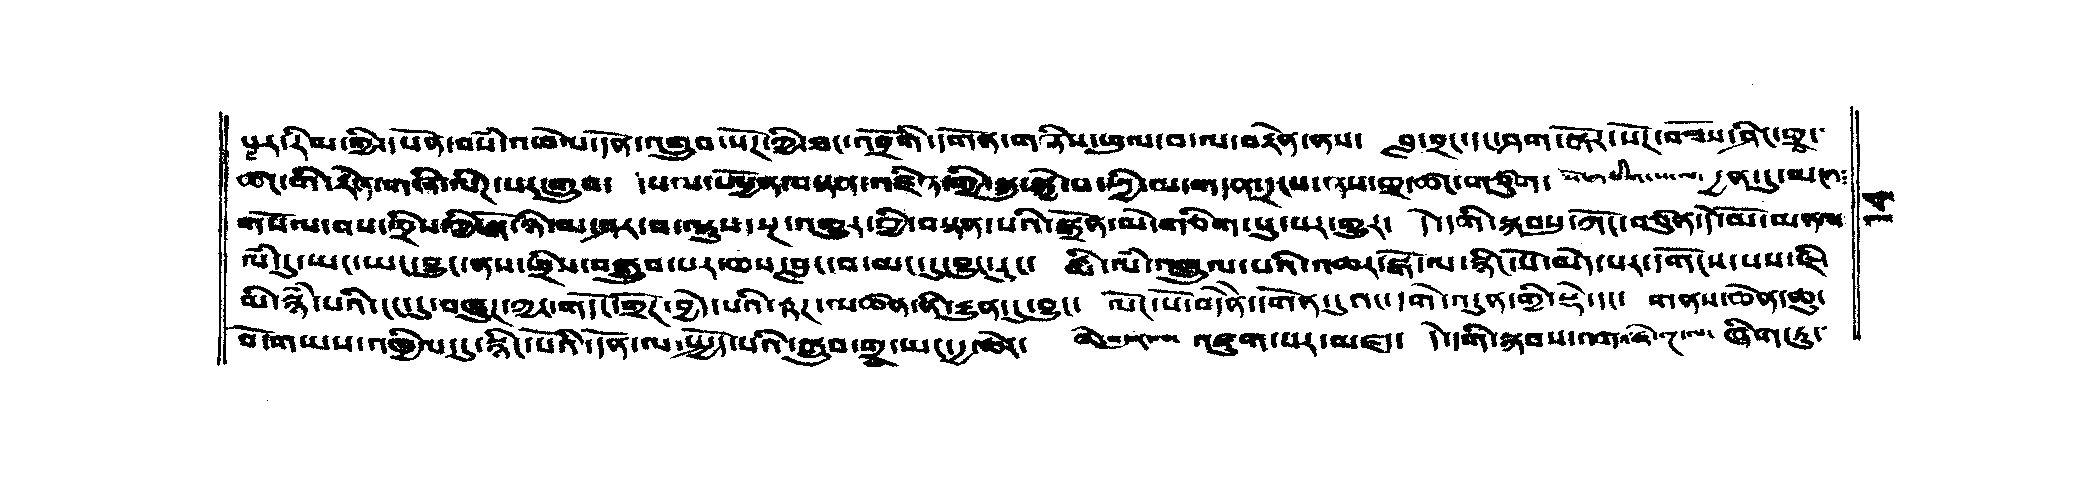སླར་རིམ་གྱིས་དཔོན་བསམ་འཕེལ་དོན་འགྲུབ་སོགས་ཀྱིས་ཐང་འབྲོག་གི་དགོན་གཞིས་ཕུལ་བ་ལ་བརྟེན་ནས། སོ་གཅིག་པ་ལ། མཆན། བླ་བྲང་དང་ཤག་སྒོར་སོགས་བཟོས་ཤིང་གྲྭ་
ཚང་གི་རྟེན་གཞི་ལེགས་པར་གྲུབ། དཔལ་ཨོ་རྒྱན་བསྟན་འཛིན་གྱི་སྐུ་སྐྱེ་བ་ཕྱི་མ་གདན་དྲངས་ནས་གྲྭ་ཚང་གཙུག་རྒྱན་དུ་མངའ་
གསོལ་བས་ཕྲིན་ལས་ཀྱི་སྒོ་ཉི་མ་ཤར་བ་ལྟ་བུས་སྔ་འགྱུར་གྱི་བསྟན་པའི་སྒྲོན་མེ་གཅིག་པུ་པར་གྱུར། དེ་དག་གི་སྐབས་སུ་ཀོང་བཙུན་དེ་མོ་མནལ་
ལམ་དུ་ཡང་ཡང་བྱུང་ནས་ཕྲིན་ལས་བསྒྲུབ་པར་ཁས་བླངས་བ་མང་དུ་བྱུང་རུང་། རྨི་ལམ་འཁྲུལ་པའི་འཆར་སྒོ་ལ་སྙིང་པོ་མེད་པར་དགོངས་པས་ཇི་
མི་སྙམ་པའི་ངང་དུ་བཞུགས་ཀྱང་གདོང་གྲོགས་བྱེད་པའི་རྟགས་མཚན་ནི་རྒྱུན་དུ་བྱུང་། ལོང་ཞེ་བདུན་ལ། མཆན། པོ་བདེ་ཆེན་དགོན་དུའང་དགེ་འདུན་གྱི་སྡེ་དང་། གནས་ལྔ་ལ། མཆན། ཆེན་ཆུ་
བོ་གཡས་འཁྱིལ་དུ་སྙིང་པོའི་དོན་ལ་སྤྱོད་པའི་སྒྲུབ་གྲྭ་ཡང་རྒྱ་ཆེར་འཇུག་པར་མཛད། དེ་དག་གི་སྐབས་འགའ་ཞིག་ཏུ་